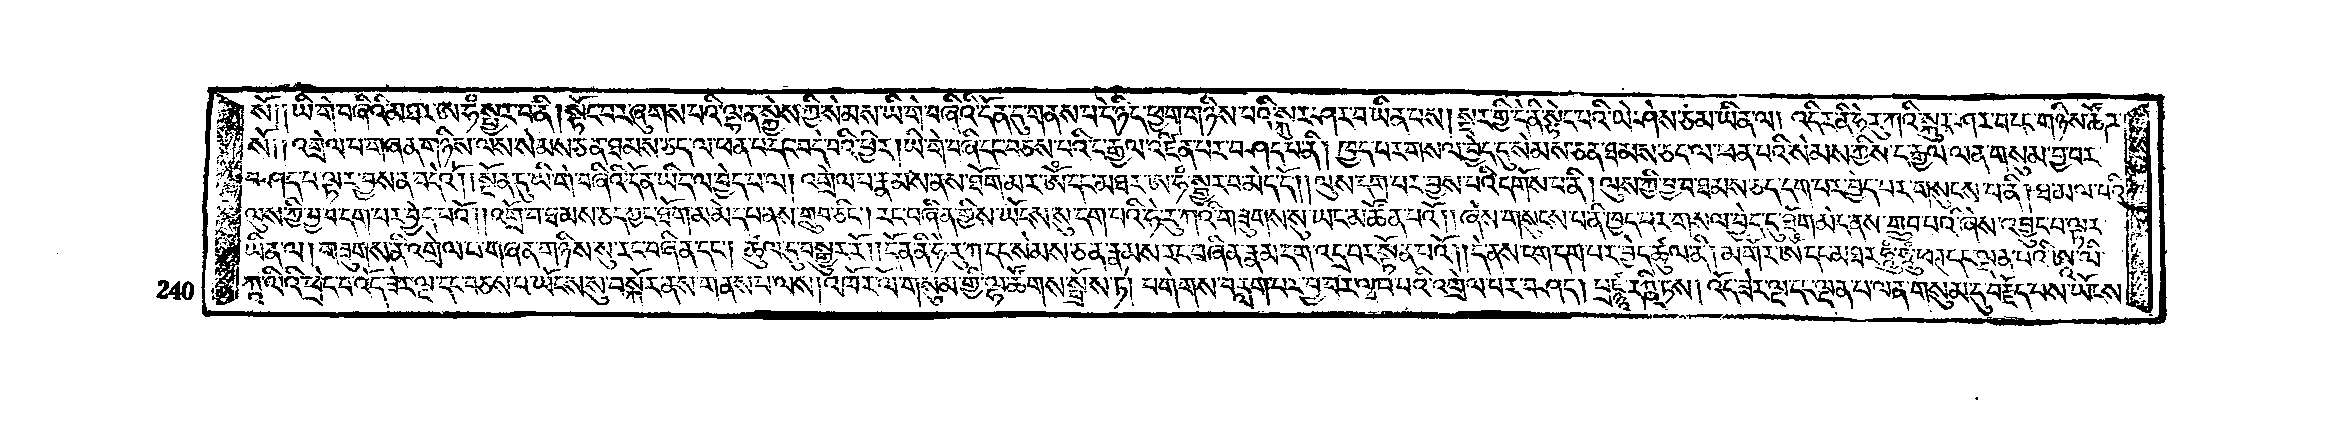སོ། །ཡི་གེ་བཞིའི་མཐར་ཨ་ཧཾ་སྦྱར་བ་ནི། སྟོང་པར་ཞུགས་པའི་ལྷན་སྐྱེས་ཀྱི་སེམས་ཡི་གེ་བཞིའི་དོན་དུ་གནས་པ་དེ་ཉིད་ཕྱག་གཉིས་པའི་སྐུར་ཤར་བ་ཡིན་པས། སྔར་གྱི་དེ་ནི་སྟོང་པའི་ཡེ་ཤེས་ཙམ་ཡིན་ལ། འདིར་ནི་ཧེ་རུ་ཀའི་སྐུར་ཤར་བ་དང་གཉིས་ཚོགས་
སོ། །འགྲེལ་པ་གཞན་གཉིས་ལས་སེམས་ཅན་ཐམས་ཅད་ལ་ཕན་པ་དང་བདེ་བའི་ཕྱིར། ཡི་གེ་བཞི་དང་བཅས་པའི་ང་རྒྱལ་འཛིན་པར་བཤད་པ་ནི། ཁྱད་པར་གསལ་བྱེད་དུ་སེམས་ཅན་ཐམས་ཅད་ལ་ཕན་པའི་སེམས་ཀྱིས་ང་རྒྱལ་ལན་གསུམ་བྱ་བར་
བཤད་པ་ལྟར་བྱས་ན་བདེའོ། །སྔོན་དུ་ཡི་གེ་བཞིའི་དོན་ཡིད་ལ་བྱེད་པ་ལ། འགྲེལ་པ་རྣམས་ནས་ཐོག་མར་ཨོཾ་དང་མཐར་ཨ་ཧཾ་སྦྱར་བ་མེད་དོ། །ལུས་དག་པར་བྱས་པའི་དགོས་པ་ནི། ལུས་ཀྱི་བྱ་བ་ཐམས་ཅད་དག་པར་བྱེད་པར་གསུངས་པ་ནི། ཐ་མལ་པའི་
ལུས་ཀྱི་བྱ་བ་དག་པར་བྱེད་པའོ། །འགྲོ་བ་ཐམས་ཅད་ཀྱང་ཐོག་མ་མེད་པ་ནས་གྲུབ་ཅིང་། རང་བཞིན་གྱིས་ཡོངས་སུ་དག་པའི་ཧེ་རུ་ཀའི་གཟུགས་སུ་ཡང་མཚོན་པའོ། །ཞེས་གསུངས་པ་ནི་ཁྱད་པར་གསལ་བྱེད་དུ་ཐོག་མེད་ནས་གྲུབ་པའི་ཞེས་འབྱུང་བ་ལྟར་
ཡིན་ལ། གཟུགས་ནི་འགྲེལ་པ་གཞན་གཉིས་སུ་རང་བཞིན་དང་། ཚུལ་དུ་བསྒྱུར་རོ། །དོན་ནི་ཧེ་རུ་ཀ་དང་སེམས་ཅན་རྣམས་རང་བཞིན་རྣམ་དག་འདྲ་བར་སྟོན་པའོ། །དེ་ནས་ངག་དག་པར་བྱེད་ཚུལ་ནི། མགོར་ཨོཾ་དང་མཐར་ཧཱུཾ་ཧཱུཾ་ཕཊ་དང་ལྡན་པའི་ཨཱ་ལི་ཀཱ་ལིའི་ཕྲེང་བ་འོད་ཟེར་ལྔ་དང་བཅས་པ་ཡོངས་སུ་བསྐོར་ནས་གནས་པ་ལས། འཁོར་ལོ་གསུམ་གྱི་ལྷ་ཚོགས་སྤྲོས་ཏེ། བགེགས་བརླག་པར་བྱ་བར་ལྭ་བ་པའི་འགྲེལ་པར་བཤད། པྲ་ཛྙཱ་རཀྵི་ཏས། འོད་ཟེར་ལྔ་དང་ལྡན་པ་ལན་གསུམ་དུ་བརྗོད་པས་ཡོངས་